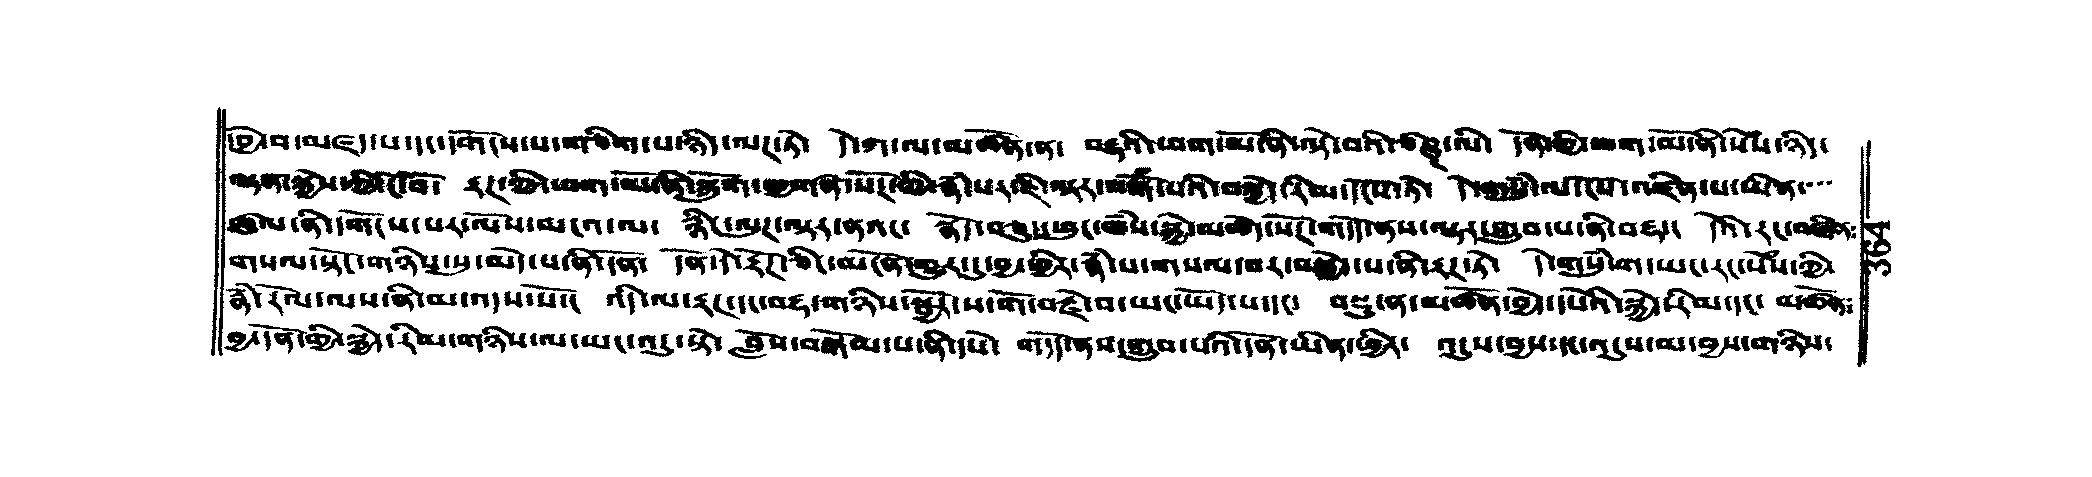དབྱེ་བ་མཛད་པ་དང་དགོངས་པ་གཅིག་ཉིད་ལགས་ཏེ། དེ་ཀ་ལ་མཚོན་ན། བརྡའི་ཕག་མོ་ནི་ལྟེ་བའི་ཙཎྜ་ལི། དོན་གྱི་ཕག་མོ་ནི་སེམས་ཉིད་
སྐྱེས་ཀྱི་ངོ་བོ། རྟགས་ཀྱི་ཕག་མོ་ནི་སྐུ་མདོག་ཕྱག་མཚན་སོགས་ཀྱི་རྣམ་པར་ཇི་ལྟར་བསྒོམ་པའི་བསྐྱེད་རིམ་དངོས་ཏེ། དེ་གསུམ་ལ་ངོས་འཛིན་པ་ཡིན་
ཚུལ་ནི་དགོངས་པར་ལོས་མངའ་ལ། རྙིང་ལུགས་ལྟར་ནའང་། སྣོད་བཅུད་ཕུང་ཁམས་སྐྱེད་མཆེད་སོགས་གདོད་ནས་ལྷར་གྲུབ་པ་ནི་བརྡ། དེའི་རང་བཞིན་
གསལ་སྟོང་གཉིས་སུ་མེད་པ་ནི་དོན། དོན་དེ་རྟོགས་ཤིང་མངོན་གྱུར་དུ་བྱ་ཕྱིར་རྣམ་པ་གསལ་བར་བསྐྱེད་པ་ནི་རྟགས་ཏེ། དེ་གསུམ་ག་ཡང་རང་སེམས་ཀྱི་
རྣམ་རོལ་ལས་ནི་མ་འདས་སོ། འདི་ལ་རྟགས་དང་བརྡ་གཉིས་སྦྱོར་ས་གོ་བརྗེ་བ་ཡང་ཡོད་པ་དང་། བསྡུ་ན་མཚོན་བྱེད་དཔེའི་བསྐྱེད་རིམ་དང་། མཚོན་
བྱ་དོན་གྱི་བསྐྱེད་རིམ་གཉིས་ལ་ཡང་འདུ་སྟེ། བློས་བསྒོམ་པ་ནི་དཔེ།གདོད་ནས་གྲུབ་པའི་དོན་ཡིན་ཕྱིར། འདུས་བྱས་དང་འདུས་མ་བྱས་གཉིས་